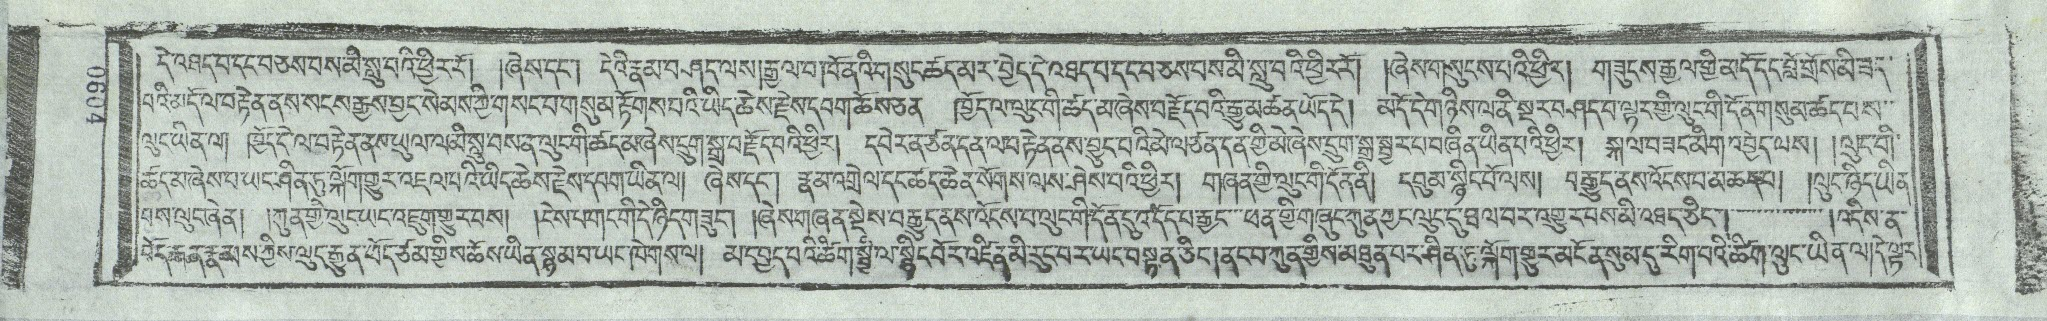དེ་འཐད་པ་དང་བཅས་པས་མི་སླུ་པའི་ཕྱིར་རོ། །ཞེས་དང་། དེའི་རྣམ་བཤད་ལས། རྒྱལ་བ་ཁོ་ནའི་གསུང་ཚད་མར་བྱེད་དེ་འཐད་པ་དང་བཅས་པས་མི་སླུ་བའི་ཕྱིར་རོ། །ཞེས་གསུངས་པའི་ཕྱིར། གཟུངས་རྒྱལ་གྱི་མདོ་དང་བློ་གྲོས་མི་ཟད་
བའི་མདོ་ལ་བརྟེན་ནས་སངས་རྒྱས་བྱང་སེམས་ཀྱི་གསང་བ་གསུམ་རྟོགས་པའི་ཡིད་ཆེས་རྗེས་དཔག་ཆོས་ཅན་ཁྱོད་ལ་ལུང་གི་ཚད་མ་ཞེས་བརྗོད་པའི་རྒྱུ་མཚན་ཡོད་དེ། མདོ་དེ་གཉིས་ལ་ནི་སྔར་བཤད་པ་ལྟར་གྱི་ལུང་གི་དོན་གསུམ་ཚད་པས་
ལུང་ཡིན་ལ། ཁྱོད་དེ་ལ་བརྟེན་ནས་ཡུལ་ལ་མི་སླུ་བས་ན་ལུང་གི་ཚད་མ་ཞེས་དྲུག་སྒྲ་བརྗོད་པའི་ཕྱིར། དཔེར་ན་ཙན་དན་ལ་བརྟེན་ནས་བྱུང་བའི་མེ་ལ་ཙན་དན་གྱི་མེ་ཞེས་དྲུག་སྒྲ་སྦྱར་པ་བཞིན་ཡིན་པའི་ཕྱིར། སྐལ་བཟང་མིག་འབྱེད་ལས། །ལུང་གི་
ཚད་མ་ཞེས་པ་ཡང་ཤིན་ཏུ་ལྐོག་གྱུར་འཇལ་པའི་ཡིད་ཆེས་རྗེས་དཔག་ཡིན་ལ། ཞེས་དང་། རྣམ་འགྲེལ་དང་ཚད་ཆེན་སོགས་ལས་ཤེས་པའི་ཕྱིར། གཞན་གྱི་ལུང་གི་དོན་ནི། དབུ་མ་སྙིང་པོ་ལས། བརྒྱུད་ནས་འོངས་པ་མ་ཆད་པ། །ལུང་ཉིད་ཡིན་
པས་ལུང་ཞེ་ན། །ཀུན་གྱི་ལུང་ཡང་འཇུག་གྱུར་པས། །ངེས་པ་གང་གི་དེ་ཉིད་གཟུང་། །ཞེས་གཞན་སྡེས་བརྒྱུད་ནས་འོངས་པ་ལུང་གི་དོན་དུ་འདོད་པ་རྒྱང་ཕན་གྱི་གཞུང་ཀུན་ཀྱང་ལུང་དུ་ཐལ་བར་འགྱུར་བས་མི་འཐད་ཅིང་། །འདིས་ན་
བོད་རྒན་རྣམས་ཀྱིས་ལུང་རྒྱུན་ཡོད་ཙམ་གྱིས་ཆོས་ཡིན་སྙམ་པ་ཡང་ཁེགས་ལ། མ་དཔྱད་པའི་ཚིག་སྤྱི་ལ་སྙིང་པོར་འཛིན་མི་རུང་བར་ཡང་བསྟན་ཅིང་། ནང་བ་ཀུན་གྱིས་མཐུན་པར་ཤིན་ཏུ་ལྐོག་གྱུར་མངོན་སུམ་དུ་རིག་པའི་ཚིག་ལུང་ཡིན་ལ། དེ་ལྟར་